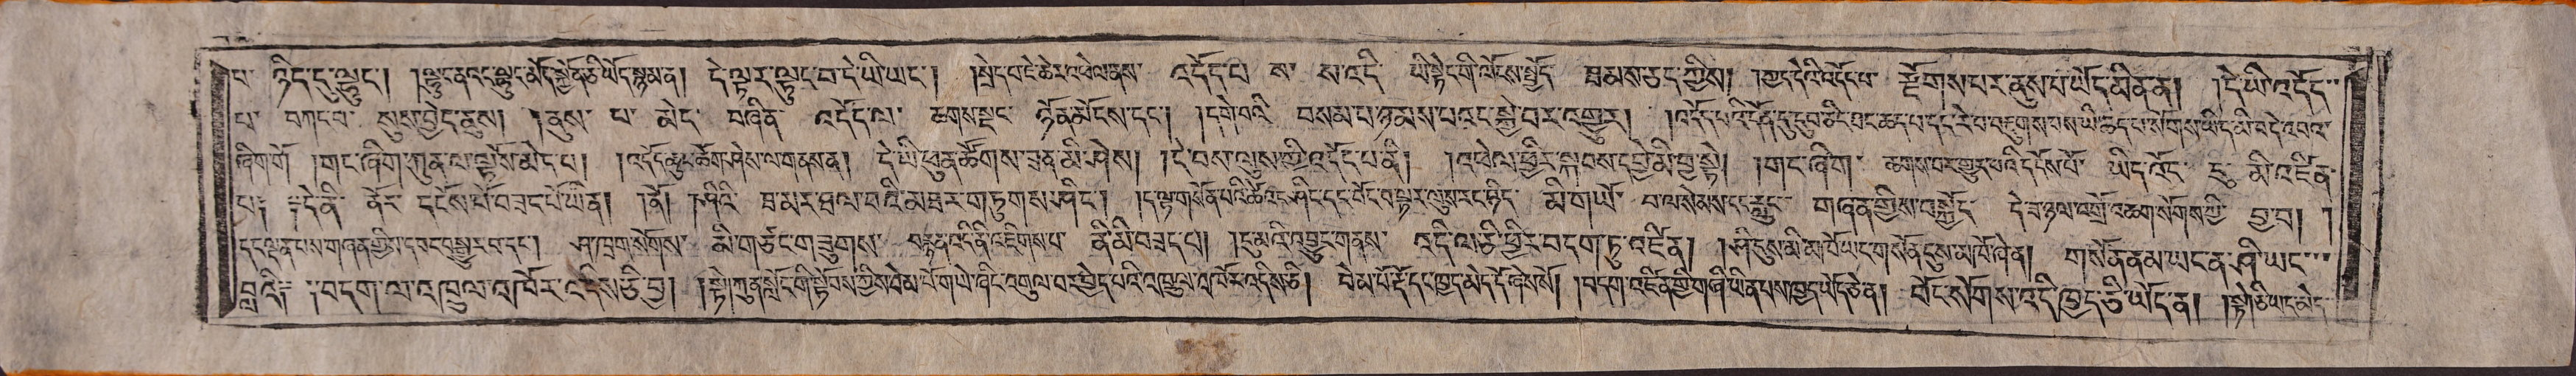པ་ཉིད་དུ་ལྷུང་། །ལྷུང་ནའང་ལྷུང་མོད་སྐྱོན་ཅི་ཡོད་སྙམ་ན།  དེ་ལྟར་ལྟུང་བ་དེ་ཡི་ཡང་། །སྲེད་པ་ཇེ་ཆེར་འཕེལ་ནས་འདོད་པས་ས་འདི་ཡི་སྟེང་གི་ལོངས་སྤྱོད་ཐམས་ཅད་ཀྱིས། །ཀྱང་དེའི་འདོད་པ་རྫོགས་པར་ནུས་པ་ཡོད་མིན་ན། །དེ་ཡི་འདོད་
པ་བཀང་བ་སུས་བྱེད་ནུས། །ནུས་པ་མེད་བཞིན་འདོད་ལ་ཆགས་སྡང་ཉོན་མོངས་དང་། །དགེ་བའི་བསམ་པ་ཉམས་པའང་སྐྱེ་བར་འགྱུར། །འདོད་པའི་དོན་དུ་དུབ་ཅིང་ཐང་ཆད་པ་དང་རེ་བ་བརྡུགས་པས་ཡི་ཆད་པ་སོགས་ཡིད་མི་བདེ་འབའ་
ཞིག་གོ །གང་ཞིག་ཀུན་ལ་ལྟོས་མེད་པ། །འདོད་ཆུང་ཆོག་ཤེས་ལ་གནས་ན།  དེ་ཡི་ཕུན་ཚོགས་ཟང་མི་ཤེས། །དེ་བས་ལུས་ཀྱི་འདོད་པ་ནི། །འཕེལ་ཕྱིར་སྐབས་དབྱེ་མི་བྱ་སྟེ། །གང་ཞིག་ཆགས་པར་གྱུར་པའི་དངོས་པོ་ཡིད་འོང་དུ་མི་འཛིན་
པ༑ ༑དེ་ནི་ནོར་དངོས་པོ་བཟང་པོ་ཡིན། །ནོ། །ཤིའི་ཐ་མར་ཐལ་བའི་མཐར་གཏུགས་ཤིང་། །ད་ལྟ་གསོན་པའི་ཚེའང་ཤིང་དང་བོང་བ་ལྟར་ལུས་རང་ཉིད་མི་གཡོ་བ་ལ་སེམས་དང་རླུང་གཞན་གྱིས་བསྐྱོད་དེ་ཟ་ཉལ་འགྲོ་འཆག་སོགས་ཀྱི་བྱ་བ། །
དང་ལྡན་པས་གཞན་གྱིས་དབང་བསྒྱུར་བ་དང་། ཤ་ཁྲག་སོགས་མི་གཙང་གཟུགས་བརྙན་འདི་ནི་འཇིགས་པ་ནི་མི་བཟད་པ། །དུ་མའི་འབྱུང་གནས་འདི་ལ་ཅི་ཕྱིར་བདག་ཏུ་འཛིན། །ཤི་དུས་མི་མཁོ་ཡང་གསོན་དུས་མཁོ་ཞེ་ན།  གསོན་ནམ་ཡང་ན་ཤི་ཡང་
བླའི༑ ༑བདག་ལ་འཁྲུལ་འཁོར་འདིས་ཅི་བྱ། །སྟེ། ཀུན་སློང་གི་སྟོབས་ཀྱིས་བེམ་པོ་གཡོ་ཞིང་འགུལ་བར་བྱེད་པའི་འཁྲུལ་འཁོར་འདིས་ཅི། བེམ་པོ་རྡོ་དང་ཁྱད་མེད་དོ་ཞེས་སོ། །བདག་འཛིན་གྱི་གཞི་ཡིན་པས་ཁྱད་ཡོད་ཅེ་ན།  བོང་སོགས་འདི་ཁྱད་ཅི་ཡོད་ན། །སྟེ། ཅི་ཡང་མེད